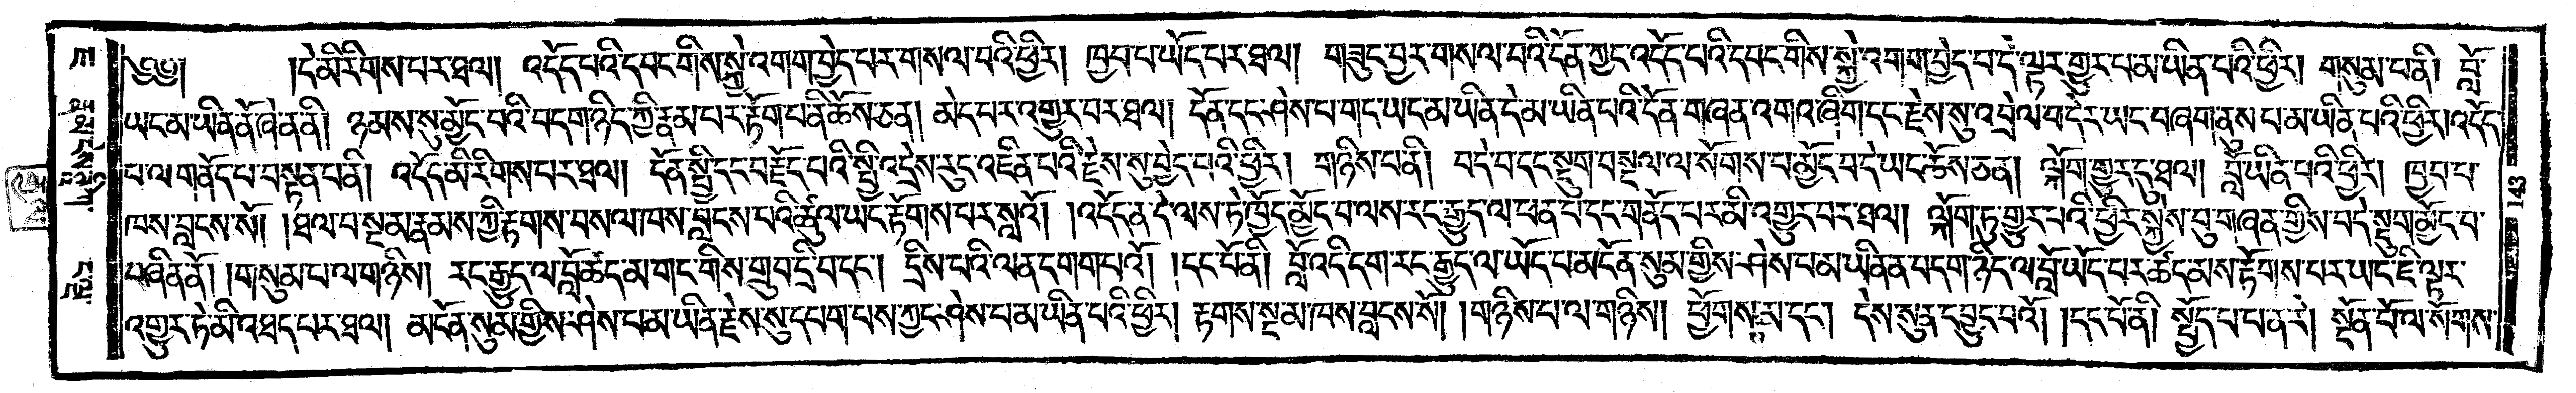༄༅། །དེ་མི་རིགས་པར་ཐལ། འདོད་པའི་དབང་གིས་སྐྱེ་འགག་བྱེད་པར་གསལ་བའི་ཕྱིར། ཁྱབ་པ་ཡོད་པར་ཐལ། གཟུང་བྱར་གསལ་བའི་དོན་ཀྱང་འདོད་པའི་དབང་གིས་སྐྱེ་འགག་བྱེད་པ་དེ་ལྟར་གྱུར་པ་མ་ཡིན་པའི་ཕྱིར། གསུམ་པ་ནི། བློ་
ཡང་མ་ཡིན་ནོ་ཞེ་ན་ནི། ཉམས་སུ་མྱོང་བའི་བདག་ཉིད་ཀྱི་རྣམ་པར་རྟོག་པ་ནི་ཆོས་ཅན། མེད་པར་འགྱུར་བར་ཐལ། དོན་དང་ཤེས་པ་གང་ཡང་མ་ཡིན་དེ་མ་ཡིན་པའི་དོན་གཞན་འགའ་ཞིག་དང་རྗེས་སུ་འབྲེལ་བ་དེར་ཡང་བཞག་ནུས་པ་མ་ཡིན་པའི་ཕྱིར། འདོད་
པ་ལ་གནོད་པ་བསྟན་པ་ནི། འདོད་མི་རིགས་པར་ཐལ། དོན་སྤྱི་དང་བརྗོད་པའི་སྤྱི་འདྲེས་རུང་འཛིན་པའི་རྗེས་སུ་བྱེད་པའི་ཕྱིར། གཉིས་པ་ནི། བདེ་བ་དང་སྡུག་བསྔལ་ལ་སོགས་པ་མྱོང་བ་དེ་ཡང་ཆོས་ཅན། ལྐོག་གྱུར་དུ་ཐལ། བློ་ཡིན་པའི་ཕྱིར། ཁྱབ་པ་
ཁས་བླངས་སོ། །ཐལ་བ་སྔ་མ་རྣམས་ཀྱི་རྟགས་བསལ་ཁས་བླངས་པའི་ཚུལ་ཡང་རྟོགས་པར་སླའོ། །འདོད་ན་དེ་ལས་ཏེ་ཁྱོད་མྱོང་བ་ལས་རང་རྒྱུད་ལ་ཕན་པ་དང་གནོད་པར་མི་འགྱུར་བར་ཐལ། ལྐོག་ཏུ་གྱུར་པའི་ཕྱིར་སྐྱེས་བུ་གཞན་གྱིས་བདེ་སྡུག་མྱོང་བ་
བཞིན་ནོ། །གསུམ་པ་ལ་གཉིས། རང་རྒྱུད་ལ་བློ་ཚད་མ་གང་གིས་གྲུབ་དྲི་བ་དང་། དྲིས་པའི་ལན་དགག་པའོ། །དང་པོ་ནི། བློ་འདི་དག་རང་རྒྱུད་ལ་ཡོད་པ་མངོན་སུམ་གྱིས་ཤེས་པ་མ་ཡིན་ན་བདག་ཉིད་ལ་བློ་ཡོད་པར་ཚད་མས་རྟོགས་པར་ཡང་ཇི་ལྟར་
འགྱུར་ཏེ་མི་འཐད་པར་ཐལ། མངོན་སུམ་གྱིས་ཤེས་པ་མ་ཡིན་རྗེས་སུ་དཔག་པས་ཀྱང་ཤེས་པ་མ་ཡིན་པའི་ཕྱིར། རྟགས་སྔ་མ་ཁས་བླངས་སོ། །གཉིས་པ་ལ་གཉིས། ཕྱོགས་མ་དང་། དེས་སུན་དབྱུང་བའོ། །དང་པོ་ནི། སྤྱོད་པ་པ་ན་རེ། སྔོན་པོ་ལ་སོགས་